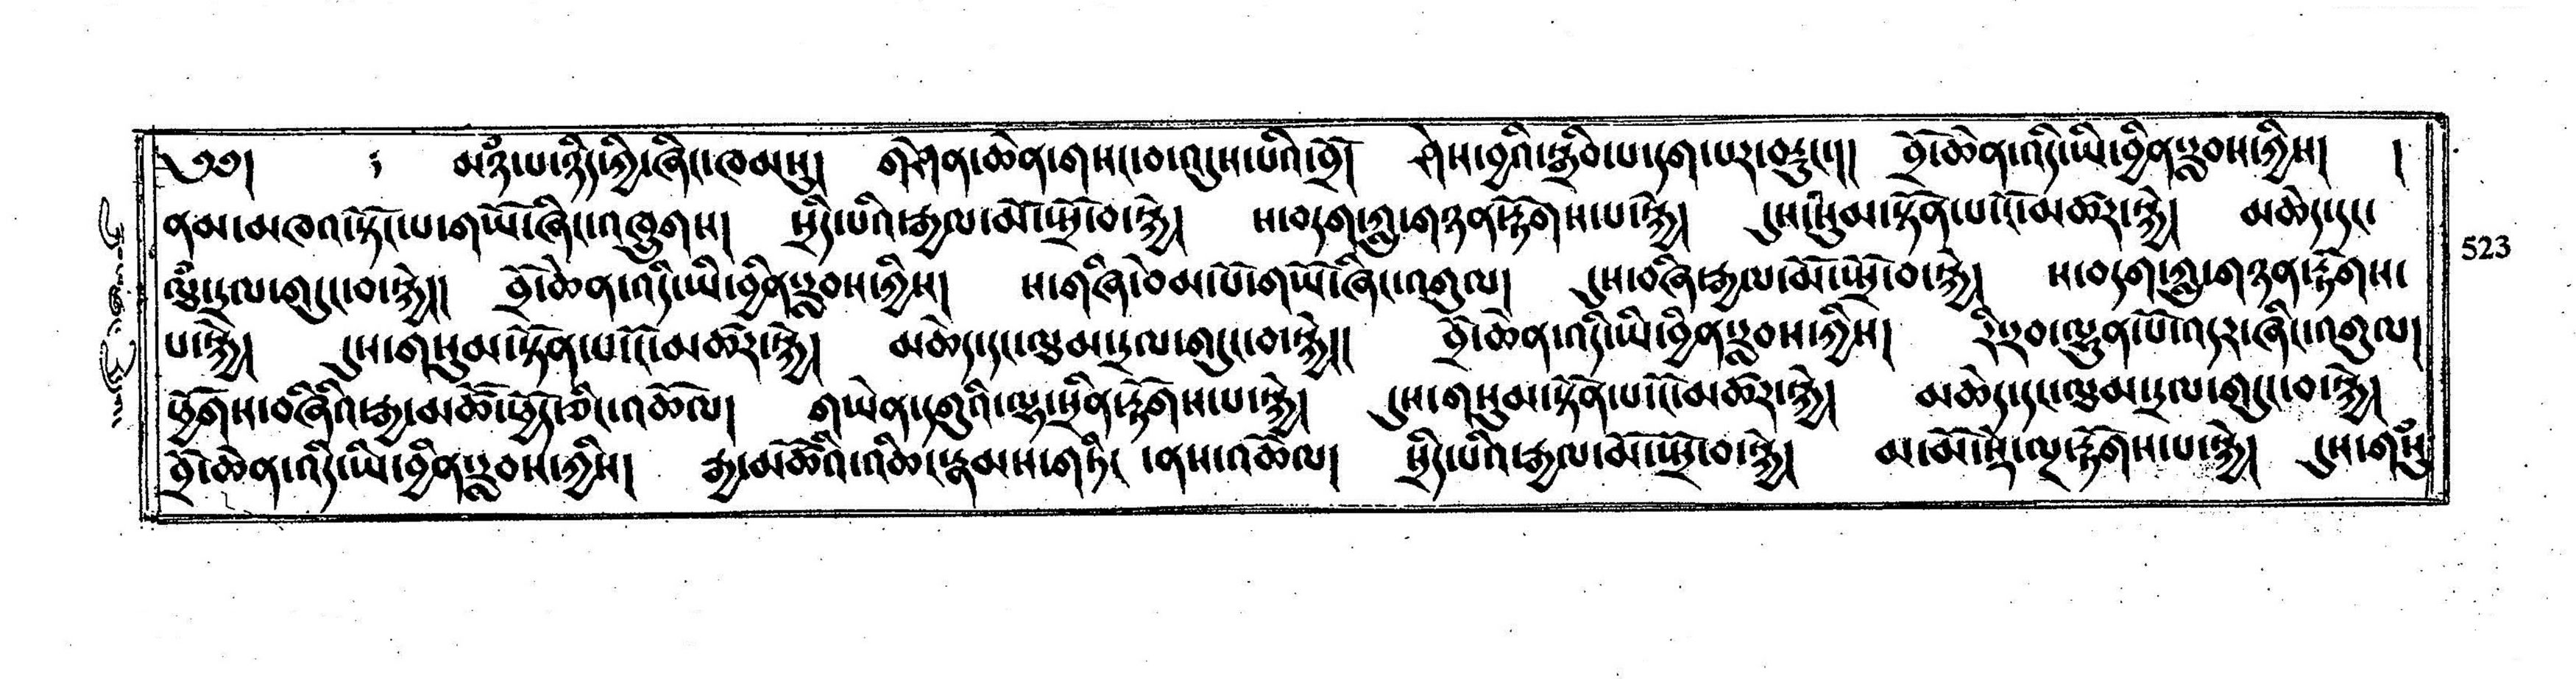མཉམ་པ་ཉིད་ཀྱི་ཞིང་ཁམས་སུ། གཤེན་ཆེན་གསང་བ་འདུས་པའི་བྲོ། ཤེས་བྱའི་སྒྲིབ་པ་དག་པར་བརྡུང་།། བྲོ་ཆེན་འདི་ཡི་བྱིན་རླབས་ཀྱིས། 
ནམ་མཁའ་སྟོང་པ་གཡོ་ཞིང་འཁྲུགས། སྲིད་པའི་རྒྱལ་མོ་སྤྲོ་བ་སྐྱེ། ས་བདག་ཀླུ་གཉན་རྟོགས་པ་སྐྱེ། དུས་གསུམ་སྟོན་པ་ངོ་མཚར་སྐྱེ། མཆེད་དང་
ལྕམ་དྲལ་གདུང་བ་སྐྱེ།། བྲོ་ཆེན་འདི་ཡི་བྱིན་རླབས་ཀྱིས། {539}ས་གཞི་བེམ་པོ་གཡོ་ཞིང་འགུལ། དུས་བཞི་རྒྱལ་མོ་སྤྲོ་བ་སྐྱེ། ས་བདག་ཀླུ་གཉན་རྟོགས་
པ་སྐྱེ། དུས་གསུམ་སྟོན་པ་ངོ་མཚར་སྐྱེ། མཆེད་དང་ལྕམ་དྲལ་གདུང་བ་སྐྱེ།། བྲོ་ཆེན་འདི་ཡི་བྱིན་རླབས་ཀྱིས། རི་རབ་ལྷུན་པོ་འདར་ཞིང་འགུལ། 
ཕྱོགས་བཞིའི་རྒྱ་མཚོ་ཕྱོད་ཅིང་འཆོལ། གཡེན་དགུའི་ལྷ་སྲིན་རྟོགས་པ་སྐྱེ། དུས་གསུམ་སྟོན་པ་ངོ་མཚར་སྐྱེ།། མཆེད་དང་ལྕམ་དྲལ་གདུང་བ་སྐྱེ།། 
བྲོ་ཆེན་འདི་ཡི་བྱིན་རླབས་ཀྱིས། རྒྱ་མཚོའི་འཆིང་རྣམས་གཏིང་ནས་འཆོལ། སྲིད་པའི་རྒྱལ་མོ་སྤྲོ་བ་སྐྱེ། མ་མོ་སྡེ་ལྔ་རྟོགས་པ་སྐྱེ། དུས་གསུམ་